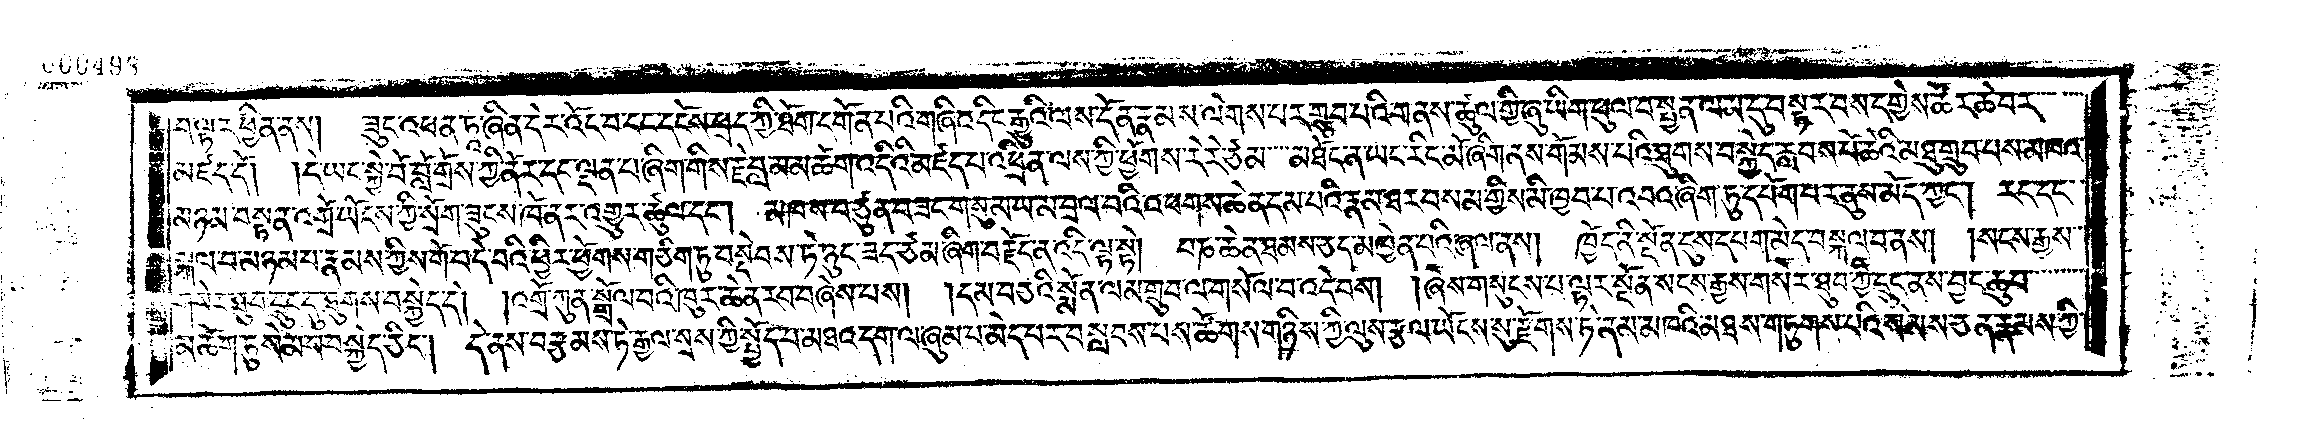བ་ལྟར་ཕྱིན་ནས། ཟུང་འཕན་ཏཱ་ཞིན་དེར་འོང་བ་དང་དངོས་ཕྲད་ཀྱི་ཐོག་དགོན་པའི་གཞི་འདིང་རྒྱུའི་ལས་དོན་རྣམས་ལེགས་པར་གྲུབ་པའི་གནས་ཚུལ་གྱི་ཞུ་ཡིག་ཕུལ་བ་སྤྱན་ལམ་དུ་བསྟར་བས་དགྱེས་ཚོར་ཆེ་བར་
མཛད་དོ། །དེ་ཡང་སྐྱེ་བོ་བློ་གྲོས་ཀྱི་ནོར་དང་ལྡན་པ་ཞིག་གིས་རྗེ་བླ་མ་མཆོག་འདིའི་མཛད་པ་འཕྲིན་ལས་ཀྱི་ཕྱོགས་རེ་རེ་ཙམ་མཐོང་ན་ཡང་རིང་མོ་ཞིག་ནས་གོམས་པའི་ཐུགས་བསྐྱེད་རླབས་པོ་ཆེའི་མཐུ་གྲུབ་པས་མཁའ་
མཉམ་བསྟན་འགྲོ་ཡོངས་ཀྱི་སྲོག་ཟུངས་ཁོ་ནར་འགྱུར་ཚུལ་དང་། མཁས་བཙུན་བཟང་གསུམ་ཡ་མ་བྲལ་བའི་འཕགས་ཆེན་དམ་པའི་རྣམ་ཐར་བསམ་གྱིས་མི་ཁྱབ་པ་འབའ་ཞིག་ཏུ་དཔོག་པར་ནུས་མོད་ཀྱང་། རང་དང་
སྐལ་བ་མཉམ་པ་རྣམས་ཀྱིས་གོ་བདེ་བའི་ཕྱིར་ཕྱོགས་གཅིག་ཏུ་བསྡེབས་ཏེ་ཉུང་ཟད་ཙམ་ཞིག་བརྗོད་ན་འདི་ལྟ་སྟེ། པཎ་ཆེན་ཐམས་ཅད་མཁྱེན་པའི་ཞལ་ནས། ཁྱོད་ནི་སྔོན་དུས་དཔག་མེད་བསྐལ་བ་ནས། །སངས་རྒྱས་
གསེར་ཐུབ་དྲུང་དུ་ཐུགས་བསྐྱེད་དེ། །འགྲོ་ཀུན་སྒྲོལ་བའི་ཁུར་ཆེན་རབ་བཞེས་པས། །དམ་བཅའི་སྨོན་ལམ་གྲུབ་ལ་གསོལ་བ་འདེབས། །ཞེས་གསུངས་པ་ལྟར་སྔོན་སངས་རྒྱས་གསེར་ཐུབ་ཀྱི་དྲུང་ནས་བྱང་ཆུབ་
མཆོག་ཏུ་སེམས་བསྐྱེད་ཅིང་། དེ་ནས་བརྩམས་ཏེ་རྒྱལ་སྲས་ཀྱི་སྤྱོད་པ་མཐའ་དག་ལ་ཞུམ་པ་མེད་པར་བསླབས་པས་ཚོགས་གཉིས་ཀྱི་ལུས་རྩལ་ཡོངས་སུ་རྫོགས་ཏེ་ནམ་མཁའི་མཐས་གཏུགས་པའི་སེམས་ཅན་རྣམས་ཀྱི་